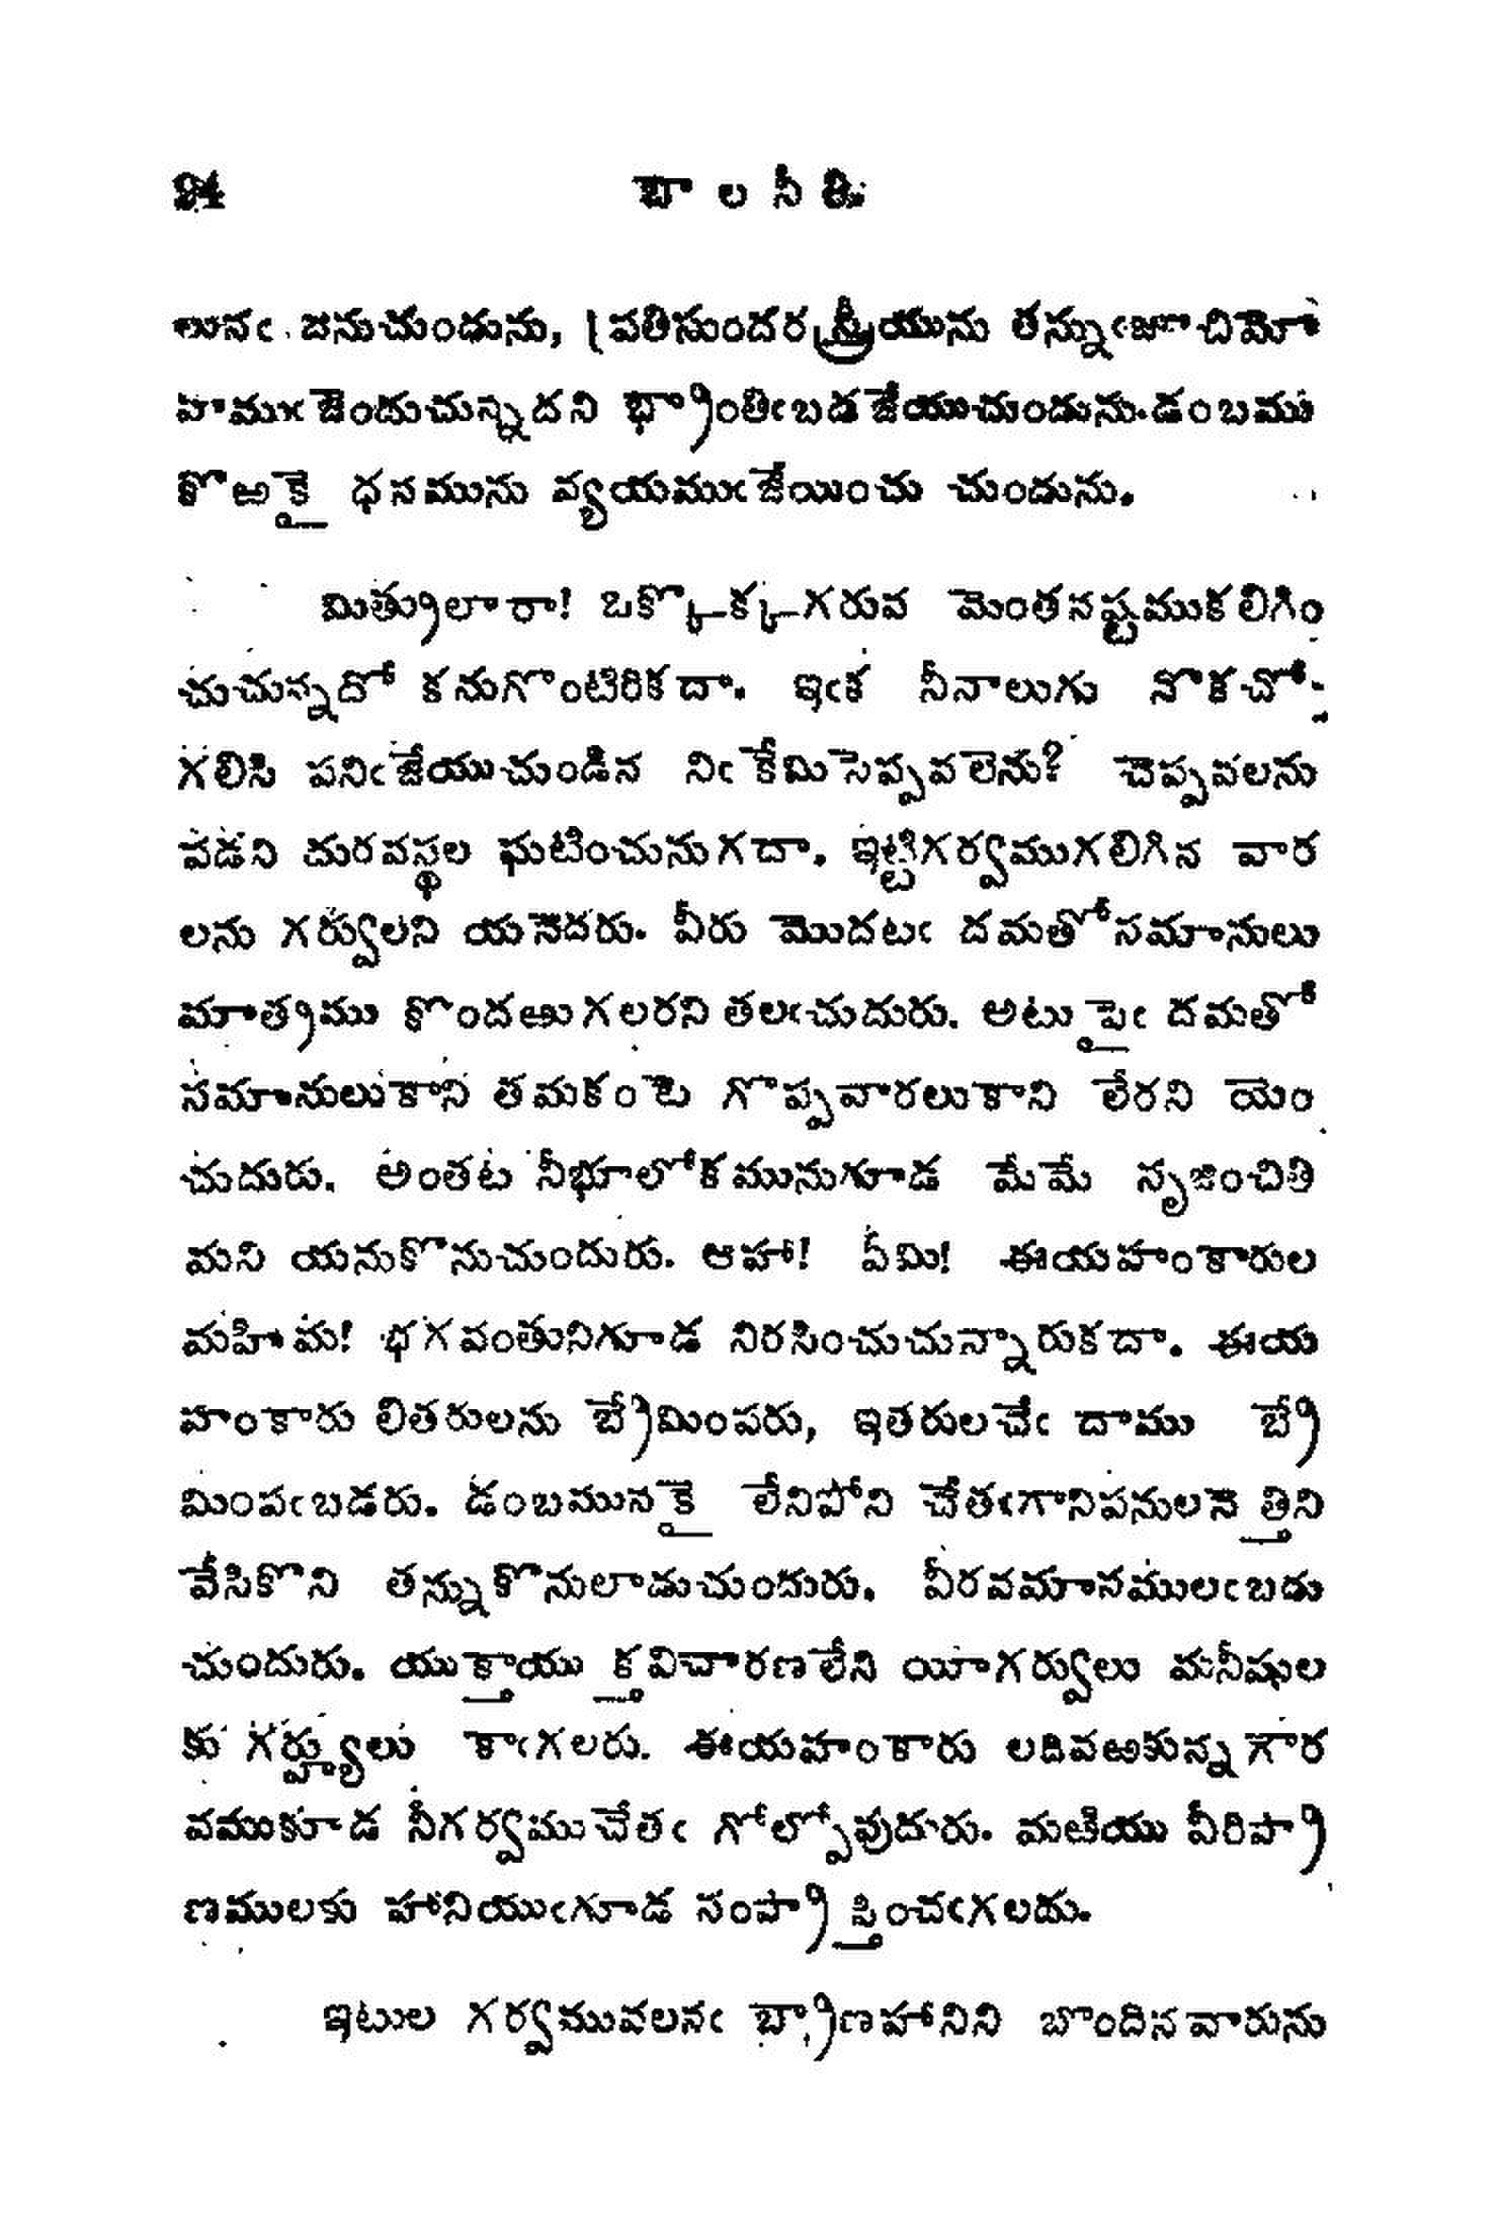లునఁ జనుచుండును. ప్రతిసుందరస్త్రీయును తన్నుఁజూచిమో
హముఁజెందుచున్నదని భ్రాంతిఁబడజేయుచుండును. డంబము 
కొఱకై ధనమును వ్యయముఁజేయించు చుండును.

మిత్రులారా! ఒక్కొక్కగరువ మెంతనష్టముకలిగిం
చుచున్నదో కనుగొంటిరికదా. ఇఁక నీనాలుగు నొకచోఁ 
గలిసి పనిఁజేయుచుండిన నిఁకేమిసెప్పవలెను? చెప్పవలను 
పడని దురవస్థల ఘటించునుగదా. ఇట్టిగర్వముగలిగిన వార
లను గర్వులని యనెదరు. వీరు మొదటఁ దమతో సమానులు
మాత్రము కొందఱుగలరని తలుఁచుదురు. అటుపైఁ దమతో 
సమానులుకాని తమకంటె గొప్పవారలుకాని లేరని యెం
చుదురు. అంతట నీభూలోకమునుగూడ మేమే సృజించితి
మని యనుకొనుచుందురు. ఆహా! ఏమి! ఈయహంకారుల 
మహిమ! భగవంతునిగూడ నిరసించుచున్నారుకదా. ఈయ
హంకారు లితరులను బ్రేమింపరు. ఇతరులచేఁ దాము బ్రే
మింపఁబడరు. డంబమునకై లేనిపోని చేతఁగానిపనులనెత్తిని 
వేసికొని తన్నుకొనులాడుచుందురు. వీరవమానములఁబడు 
చుందురు. యుక్తాయుక్తవిచారణలేని యీగర్వులు మనీషుల
కు గర్హ్యులు కాఁగలరు. ఈయహంకారు లదివఱకున్నగౌర
వముకూడ నీగర్వముచేతఁ గోల్పోవుదురు. మఱియు వీరిప్రా
ణములకు హానియుఁగూడ సంప్రాప్తించఁగలదు.

ఇటుల గర్వమువలనఁ బ్రాణహానిని బొందినవారును